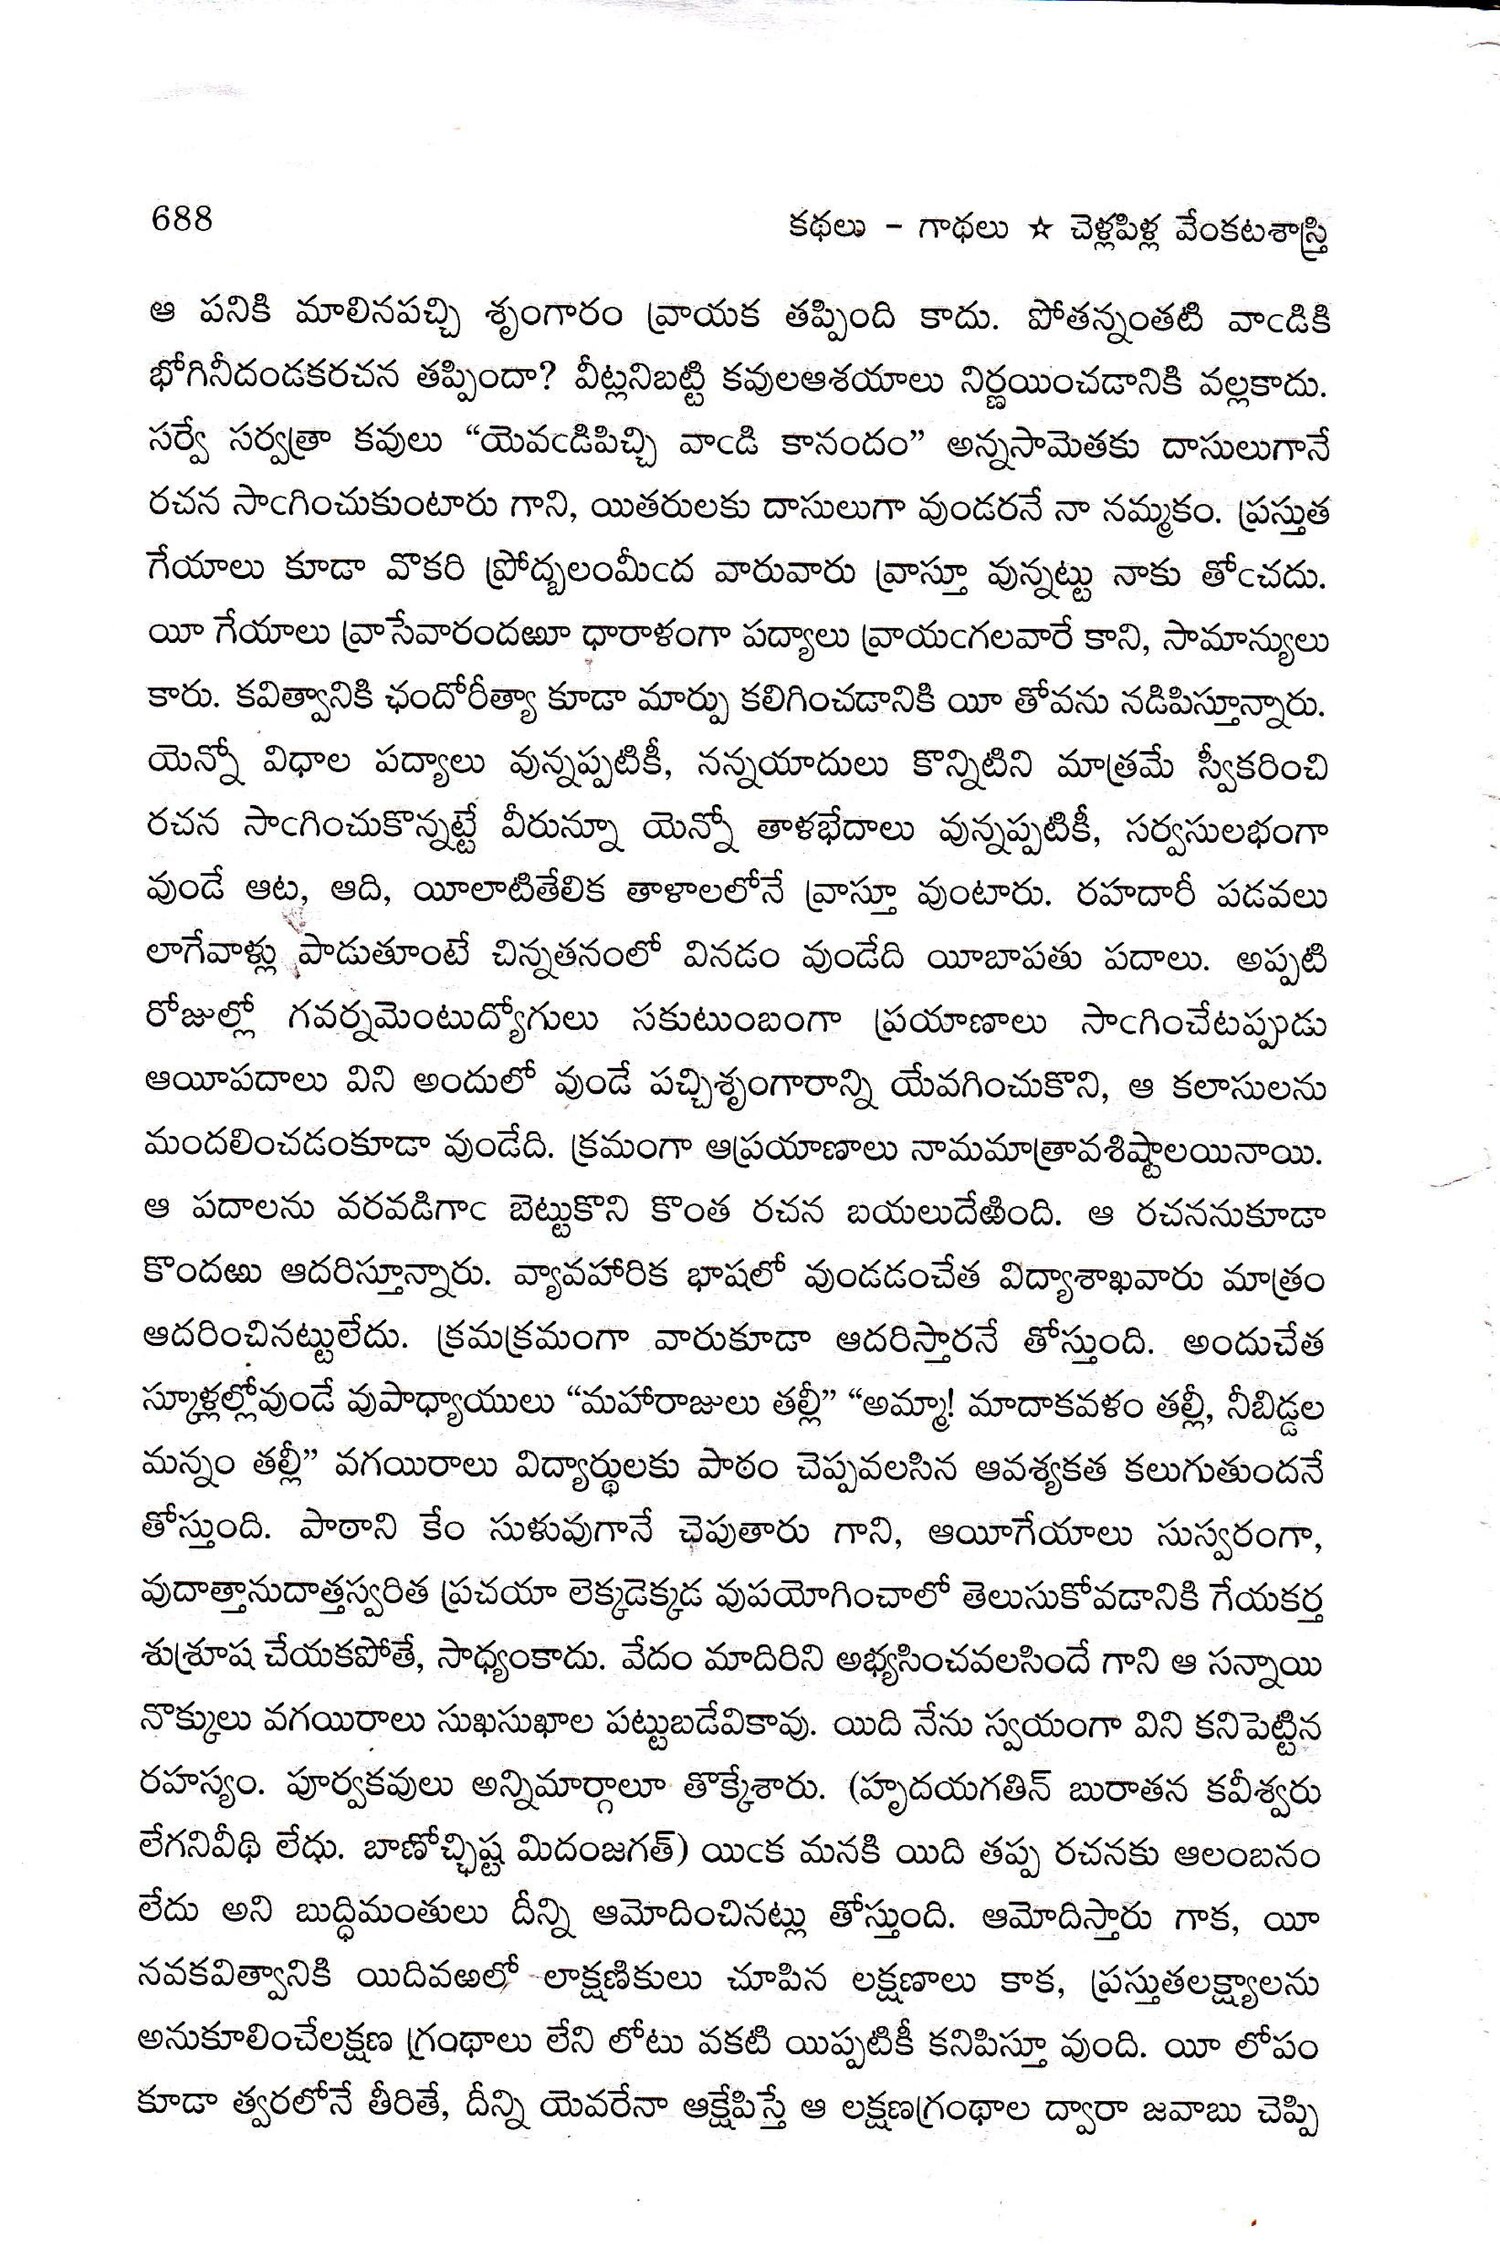ఆ పనికి మాలినపచ్చి శృంగారం వ్రాయక తప్పింది కాదు. పోతన్నంతటి వాఁడికి భోగినీదండకరచన తప్పిందా? వీట్లనిబట్టి కవులఆశయాలు నిర్ణయించడానికి వల్లకాదు. సర్వే సర్వత్రా కవులు “యెవఁడిపిచ్చి వాఁడి కానందం” అన్నసామెతకు దాసులుగానే రచన సాఁగించుకుంటారు గాని, యితరులకు దాసులుగా వుండరనే నా నమ్మకం. ప్రస్తుత గేయాలు కూడా వొకరి ప్రోద్బలంమీఁద వారువారు వ్రాస్తూ వున్నట్టు నాకు తోఁచదు. యీ గేయాలు వ్రాసేవారందఱూ ధారాళంగా పద్యాలు వ్రాయఁగలవారే కాని, సామాన్యులు కారు. కవిత్వానికి ఛందోరీత్యా కూడా మార్పు కలిగించడానికి యీ తోవను నడిపిస్తూన్నారు. యెన్నో విధాల పద్యాలు వున్నప్పటికీ, నన్నయాదులు కొన్నిటిని మాత్రమే స్వీకరించి రచన సాఁగించుకొన్నట్టే వీరున్నూ యెన్నో తాళభేదాలు వున్నప్పటికీ, సర్వసులభంగా వుండే ఆట, ఆది, యీలాటితేలిక తాళాలలోనే వ్రాస్తూ వుంటారు. రహదారీ పడవలు లాగేవాళ్లు పాడుతూంటే చిన్నతనంలో వినడం వుండేది యీబాపతు పదాలు. అప్పటి రోజుల్లో గవర్నమెంటుద్యోగులు సకుటుంబంగా ప్రయాణాలు సాఁగించేటప్పుడు ఆయీపదాలు విని అందులో వుండే పచ్చిశృంగారాన్ని యేవగించుకొని, ఆ కలాసులను మందలించడంకూడా వుండేది. క్రమంగా ఆప్రయాణాలు నామమాత్రావశిష్టాలయినాయి. ఆ పదాలను వరవడిగాఁ బెట్టుకొని కొంత రచన బయలుదేఱింది. ఆ రచననుకూడా కొందఱు ఆదరిస్తూన్నారు. వ్యావహారిక భాషలో వుండడంచేత విద్యాశాఖవారు మాత్రం ఆదరించినట్టులేదు. క్రమక్రమంగా వారుకూడా ఆదరిస్తారనే తోస్తుంది. అందుచేత స్కూళ్లల్లోవుండే వుపాధ్యాయులు “మహారాజులు తల్లీ" "అమ్మా! మాదాకవళం తల్లీ, నీబిడ్డల మన్నం తల్లీ" వగయిరాలు విద్యార్థులకు పాఠం చెప్పవలసిన ఆవశ్యకత కలుగుతుందనే తోస్తుంది. పాఠాని కేం సుళువుగానే చెపుతారు గాని, ఆయిగేయాలు సుస్వరంగా, వుదాత్తానుదాత్తస్వరిత ప్రచయూ లెక్కడెక్కడ వుపయోగించాలో తెలుసుకోవడానికి గేయకర్త శుశ్రూష చేయకపోతే, సాధ్యంకాదు. వేదం మాదిరిని అభ్యసించవలసిందే గాని ఆ సన్నాయి నొక్కులు వగయిరాలు సుఖసుఖాల పట్టుబడేవికావు. యిది నేను స్వయంగా విని కనిపెట్టిన రహస్యం. పూర్వకవులు అన్నిమార్గాలూ తొక్కేశారు. (హృదయగతిన్ బురాతన కవీశ్వరు లేగనివీథి లేదు. బాణోచ్చిష్ట మిదంజగత్) యిఁక మనకి యిది తప్ప రచనకు ఆలంబనం లేదు అని బుద్ధిమంతులు దీన్ని ఆమోదించినట్లు తోస్తుంది. ఆమోదిస్తారు గాక, యీ నవకవిత్వానికి యిదివఱలో -లాక్షణికులు చూపిన లక్షణాలు కాక, ప్రస్తుతలక్ష్యాలను అనుకూలించేలక్షణ గ్రంథాలు లేని లోటు వకటి యిప్పటికీ కనిపిస్తూ వుంది. యీ లోపం కూడా త్వరలోనే తీరితే, దీన్ని యెవరేనా ఆక్షేపిస్తే ఆ లక్షణగ్రంథాల ద్వారా జవాబు చెప్పి